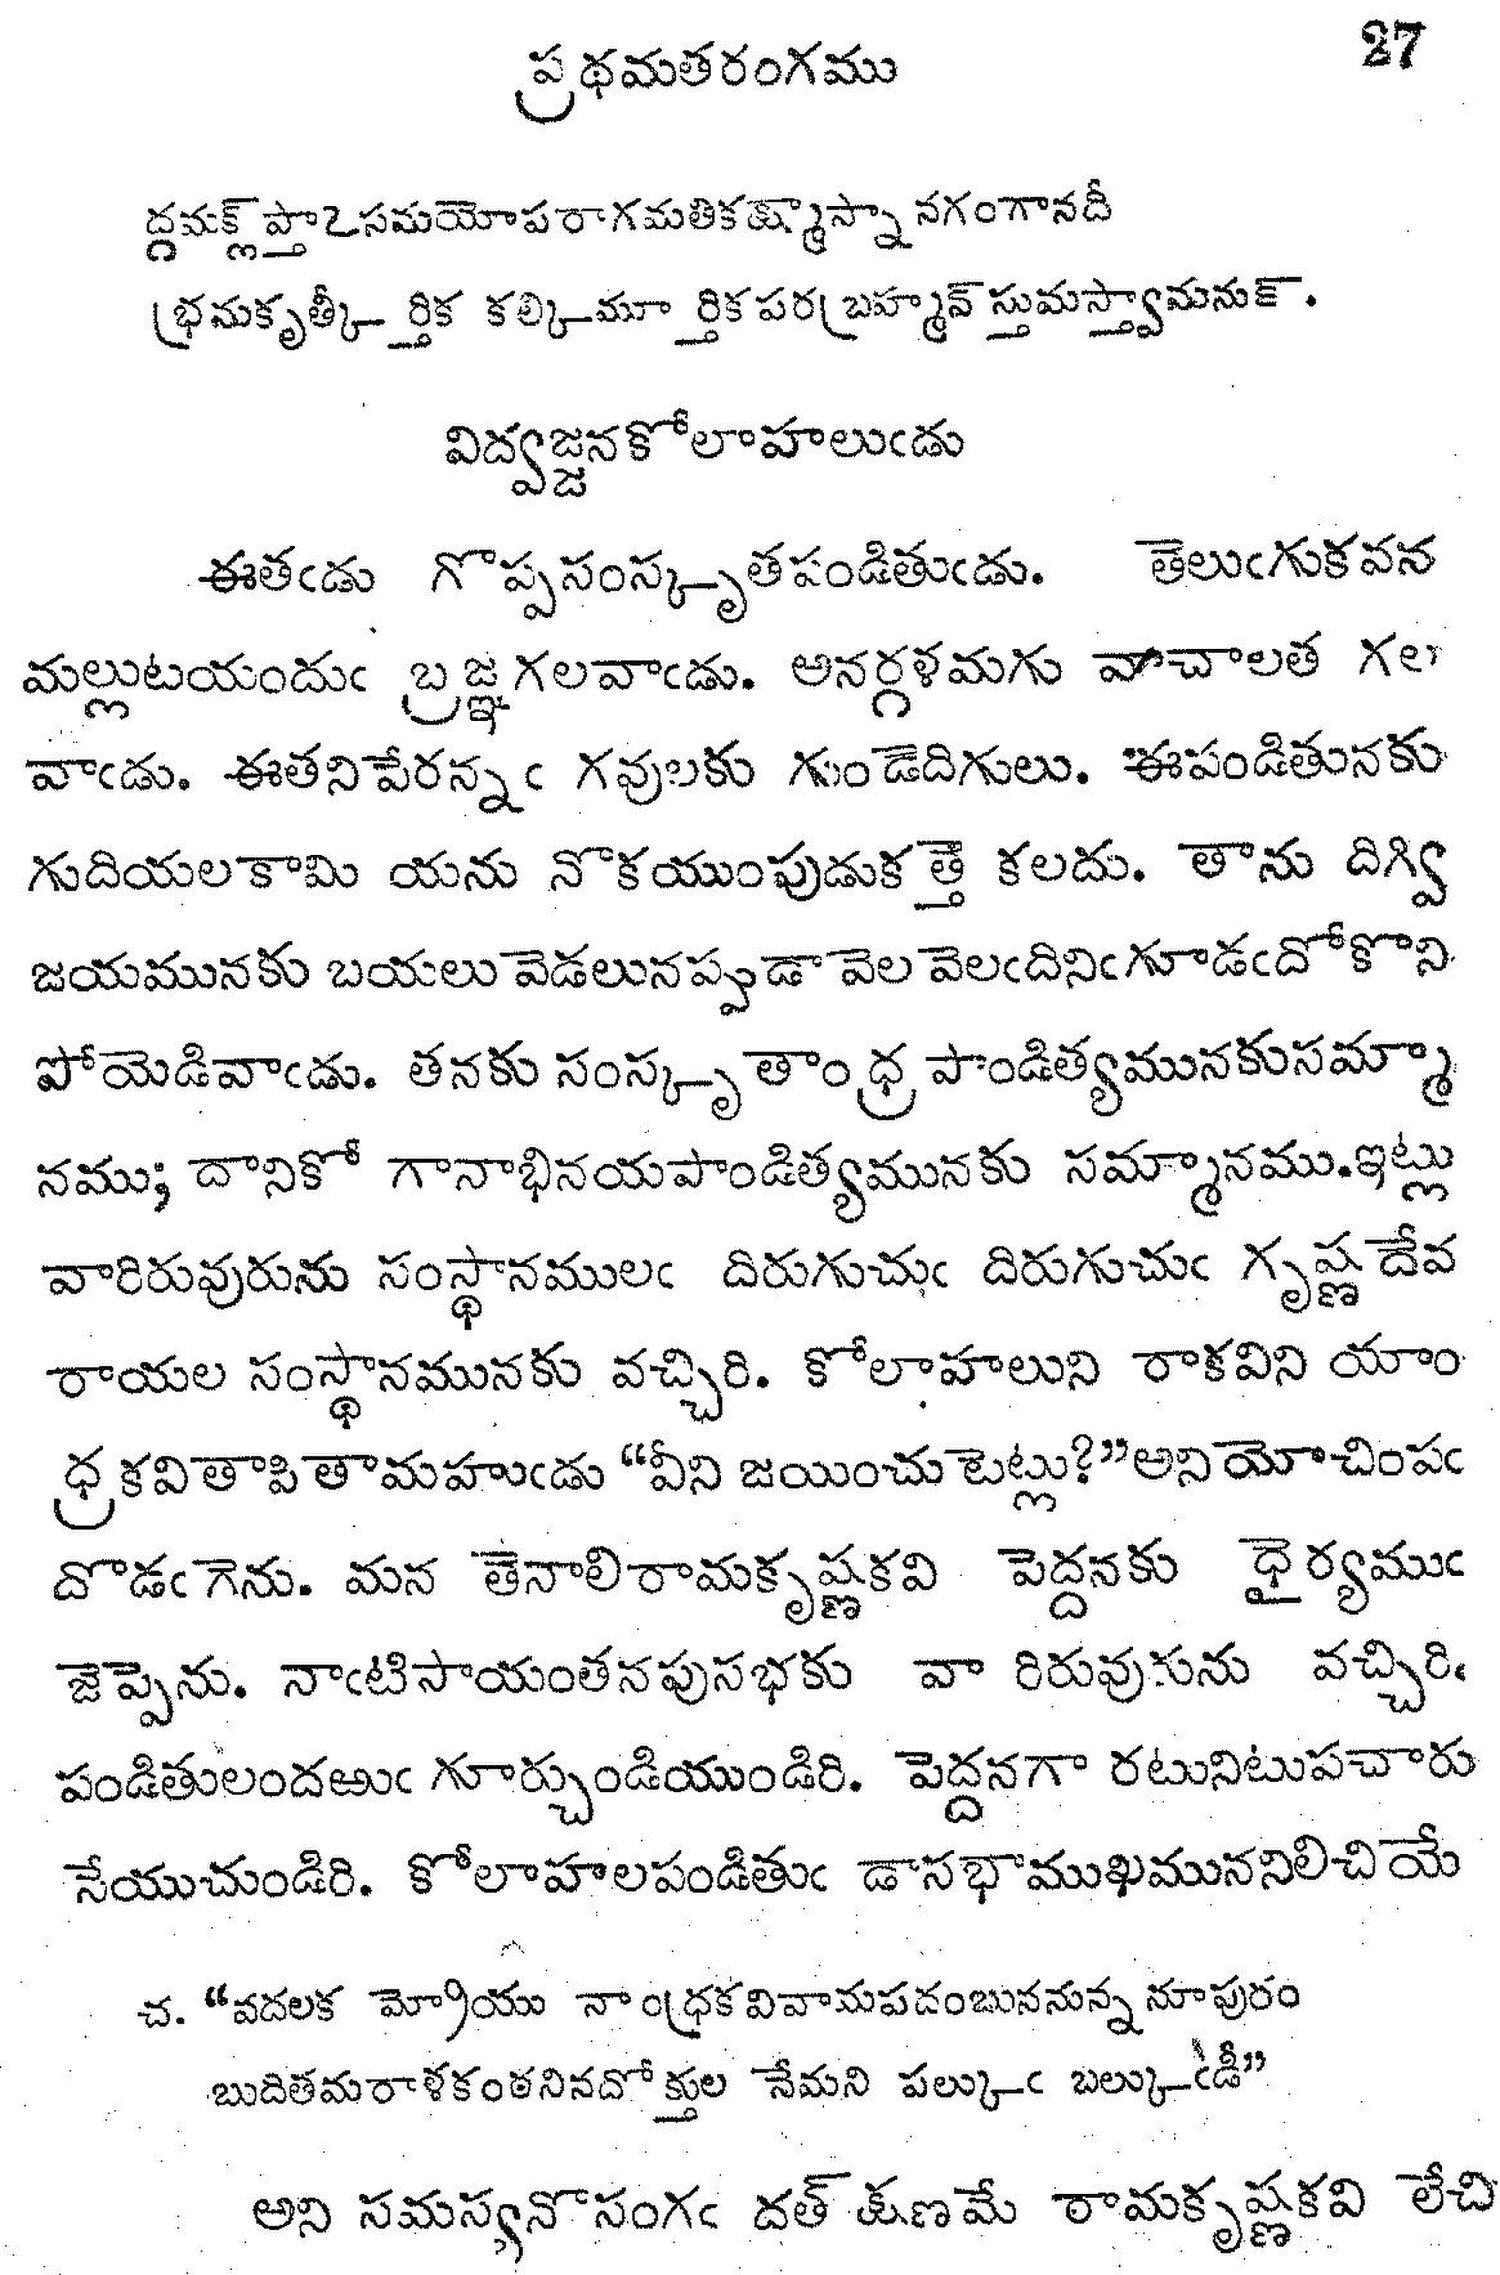ద్గమకౢప్తా౽సమయోపరాగమతికక్ష్మాస్నానగంగానది
 భ్రమకృత్కీర్తిక కల్కిమూర్తికపరబ్రహ్మన్ స్తుమస్త్వామనున్.

ఈతఁడు గొప్పసంస్కృతపండితుఁడు. తెలుఁగుకవన మల్లుటయందుఁ బ్రజ్ఞగలవాఁడు. అనర్గళమగు వాచాలత గలవాఁడు. ఈతనిపేరన్నఁ గవులకు గుండెదిగులు. ఈపండితునకు గుదియలకామి యను నొక యుంపుడుకత్తె కలదు. తాను దిగ్విజయమునకు బయలువెడలునప్పు డావెలఁదినిఁ గూడఁదోకొని పోయెడివాఁడు. తనకు సంస్కృతాంధ్రపాండిత్యమునకు సమ్మానము; దానికో గానాభినయపాండిత్యమునకు సమ్మానము. ఇట్లు వారిరువురును సంస్థానములఁ దిరుగుచుఁ దిరుగుచుఁ గృష్ణదేవరాయల సంస్థానమునకు వచ్చిరి. కోలాహలుని రాక విని యాంధ్రకవితాపితామహుఁడు “వీని జయించుటెట్లు?” అని యోచింపఁ దొడఁగెను. మన తెనాలిరామకృష్ణకవి పెద్దనకు ధైర్యముఁ జెప్పెను. నాఁటిసాయంతనపుసభకు వా రిరువురును వచ్చిరి. పండితులందఱుఁ గూర్చుండియుండిరి. పెద్దనగా రటునిటు పచారు సేయుచుండిరి. కోలాహలపండితుఁ డాసభాముఖమున నిలిచియే

చ. “వదలక మ్రోయు నాంధ్రకవివామపదంబున నున్ననూపురం
 బుదితమరాళకంఠనినదోక్తుల నేమని పల్కుఁ బల్కుఁడీ

అని సమస్య నొసంగఁ దత్క్షణమే రామకృష్ణకవి లేచి